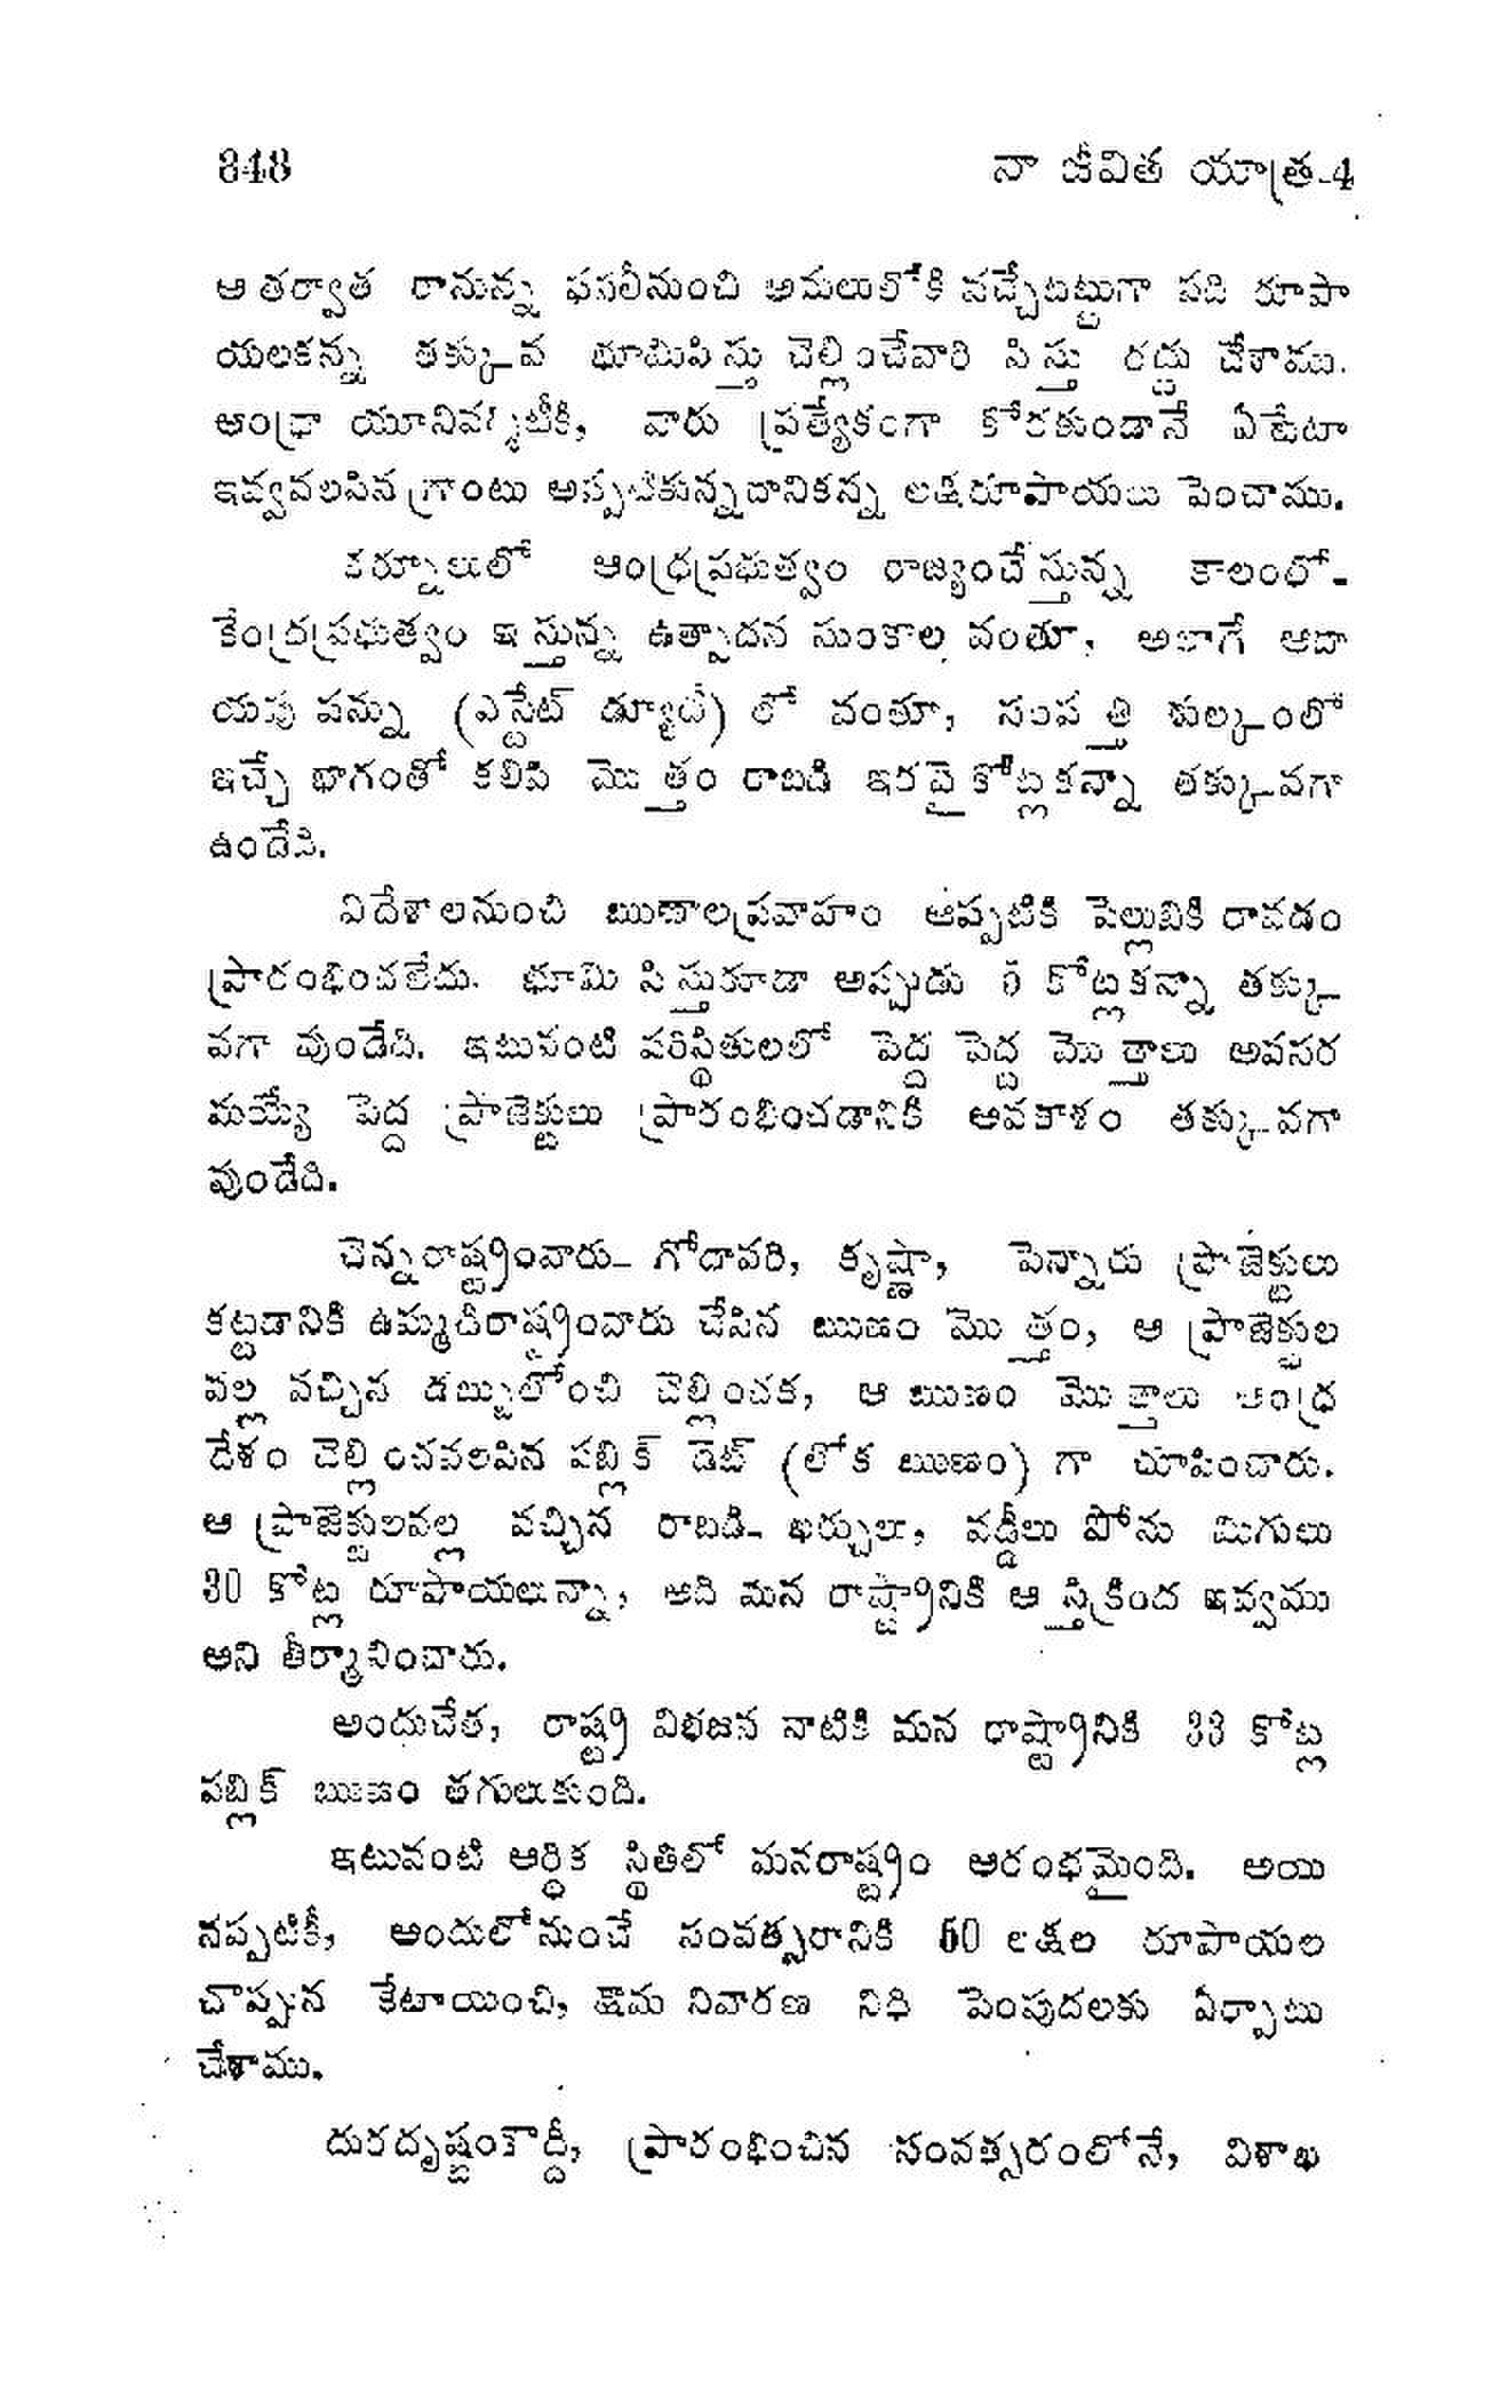ఆ తర్వాత రానున్న ఫసలీనుంచి అమలులోకి వచ్చేటట్టుగా పది రూపాయలకన్న తక్కువ భూమిసిస్తు చెల్లించేవారి సిస్తు రద్దు చేశాము. ఆంధ్రా యూనివర్శిటీకి, వారు ప్రత్యేకంగా కోరకుండానే ఏటేటా ఇవ్వవలసిన గ్రాంటు అప్పటికున్నదానికన్న లక్షరూపాయలు పెంచాము.

కర్నూలులో ఆంధ్రప్రభుత్వం రాజ్యంచేస్తున్న కాలంలో - కేంద్రప్రభుత్వం ఇస్తున్న ఉత్పాదన సుంకాల వంతూ, అలాగే ఆదాయపు పన్ను (ఎస్టేటు డ్యూటీ) లో వంతూ, సంపత్తి శుల్కంలో ఇచ్చే భాగంలో కలిపి మొత్తం రాబడి ఇరవైకోట్లకన్నా తక్కువగా ఉండేది.

విదేశాలనుంచి ఋణాలప్రవాహం అప్పటికి పెల్లుబికి రావడం ప్రారంభించలేదు. భూమి సిస్తుకూడా అప్పుడు 5 కోట్లకన్నా తక్కువగా వుండేది. ఇటువంటి పరిస్థితులలో పెద్ద పెద్ద మొత్తాలు అవసరమయ్యే పెద్ద ప్రాజెక్టులు ప్రారంభించడానికి అవకాశం తక్కువగా వుండేది.

చెన్నరాష్ట్రంవారు - గోదావరి, కృష్ణా, పెన్నారు ప్రాజెక్టులు కట్టడానికి ఉమ్మడిరాష్ట్రంవారు చేసిన ఋణం మొత్తం, ఆ ప్రాజెక్టుల వల్ల వచ్చిన డబ్బులోంచి చెల్లించక, ఆ ఋణం మొత్తాలు ఆంధ్రదేశం చెల్లించవలసిన పబ్లిక్ డెట్ (లోక ఋణం) గా చూపించారు. ఆ ప్రాజెక్టులవల్ల వచ్చిన రాబడి - ఖర్చులు, వడ్డీలు పోను మిగులు 30 కోట్ల రూపాయలున్న, అది మన రాష్ట్రానికి ఆస్తిక్రింద ఇవ్వము అని తీర్మానించారు.

అందుచేత, రాష్ట్ర విభజన నాటికి మన రాష్ట్రానికి 33 కోట్ల పబ్లిక్ ఋణం తగులుకుంది

ఇటువంటి ఆర్థిక స్థితిలో మనరాష్ట్రం ఆరంభమైంది. అయినప్పటికీ, అందులోనుంచే సంవత్సరానికి 60 లక్షల రూపాయల చొప్పున కేటాయించి, క్షామ నివారణ నిధి పెంపుదలకు ఏర్పాటు చేశాము.

దురదృష్టంకొద్దీ, ప్రారంభించిన సంవత్సరంలోనే, విశాఖ